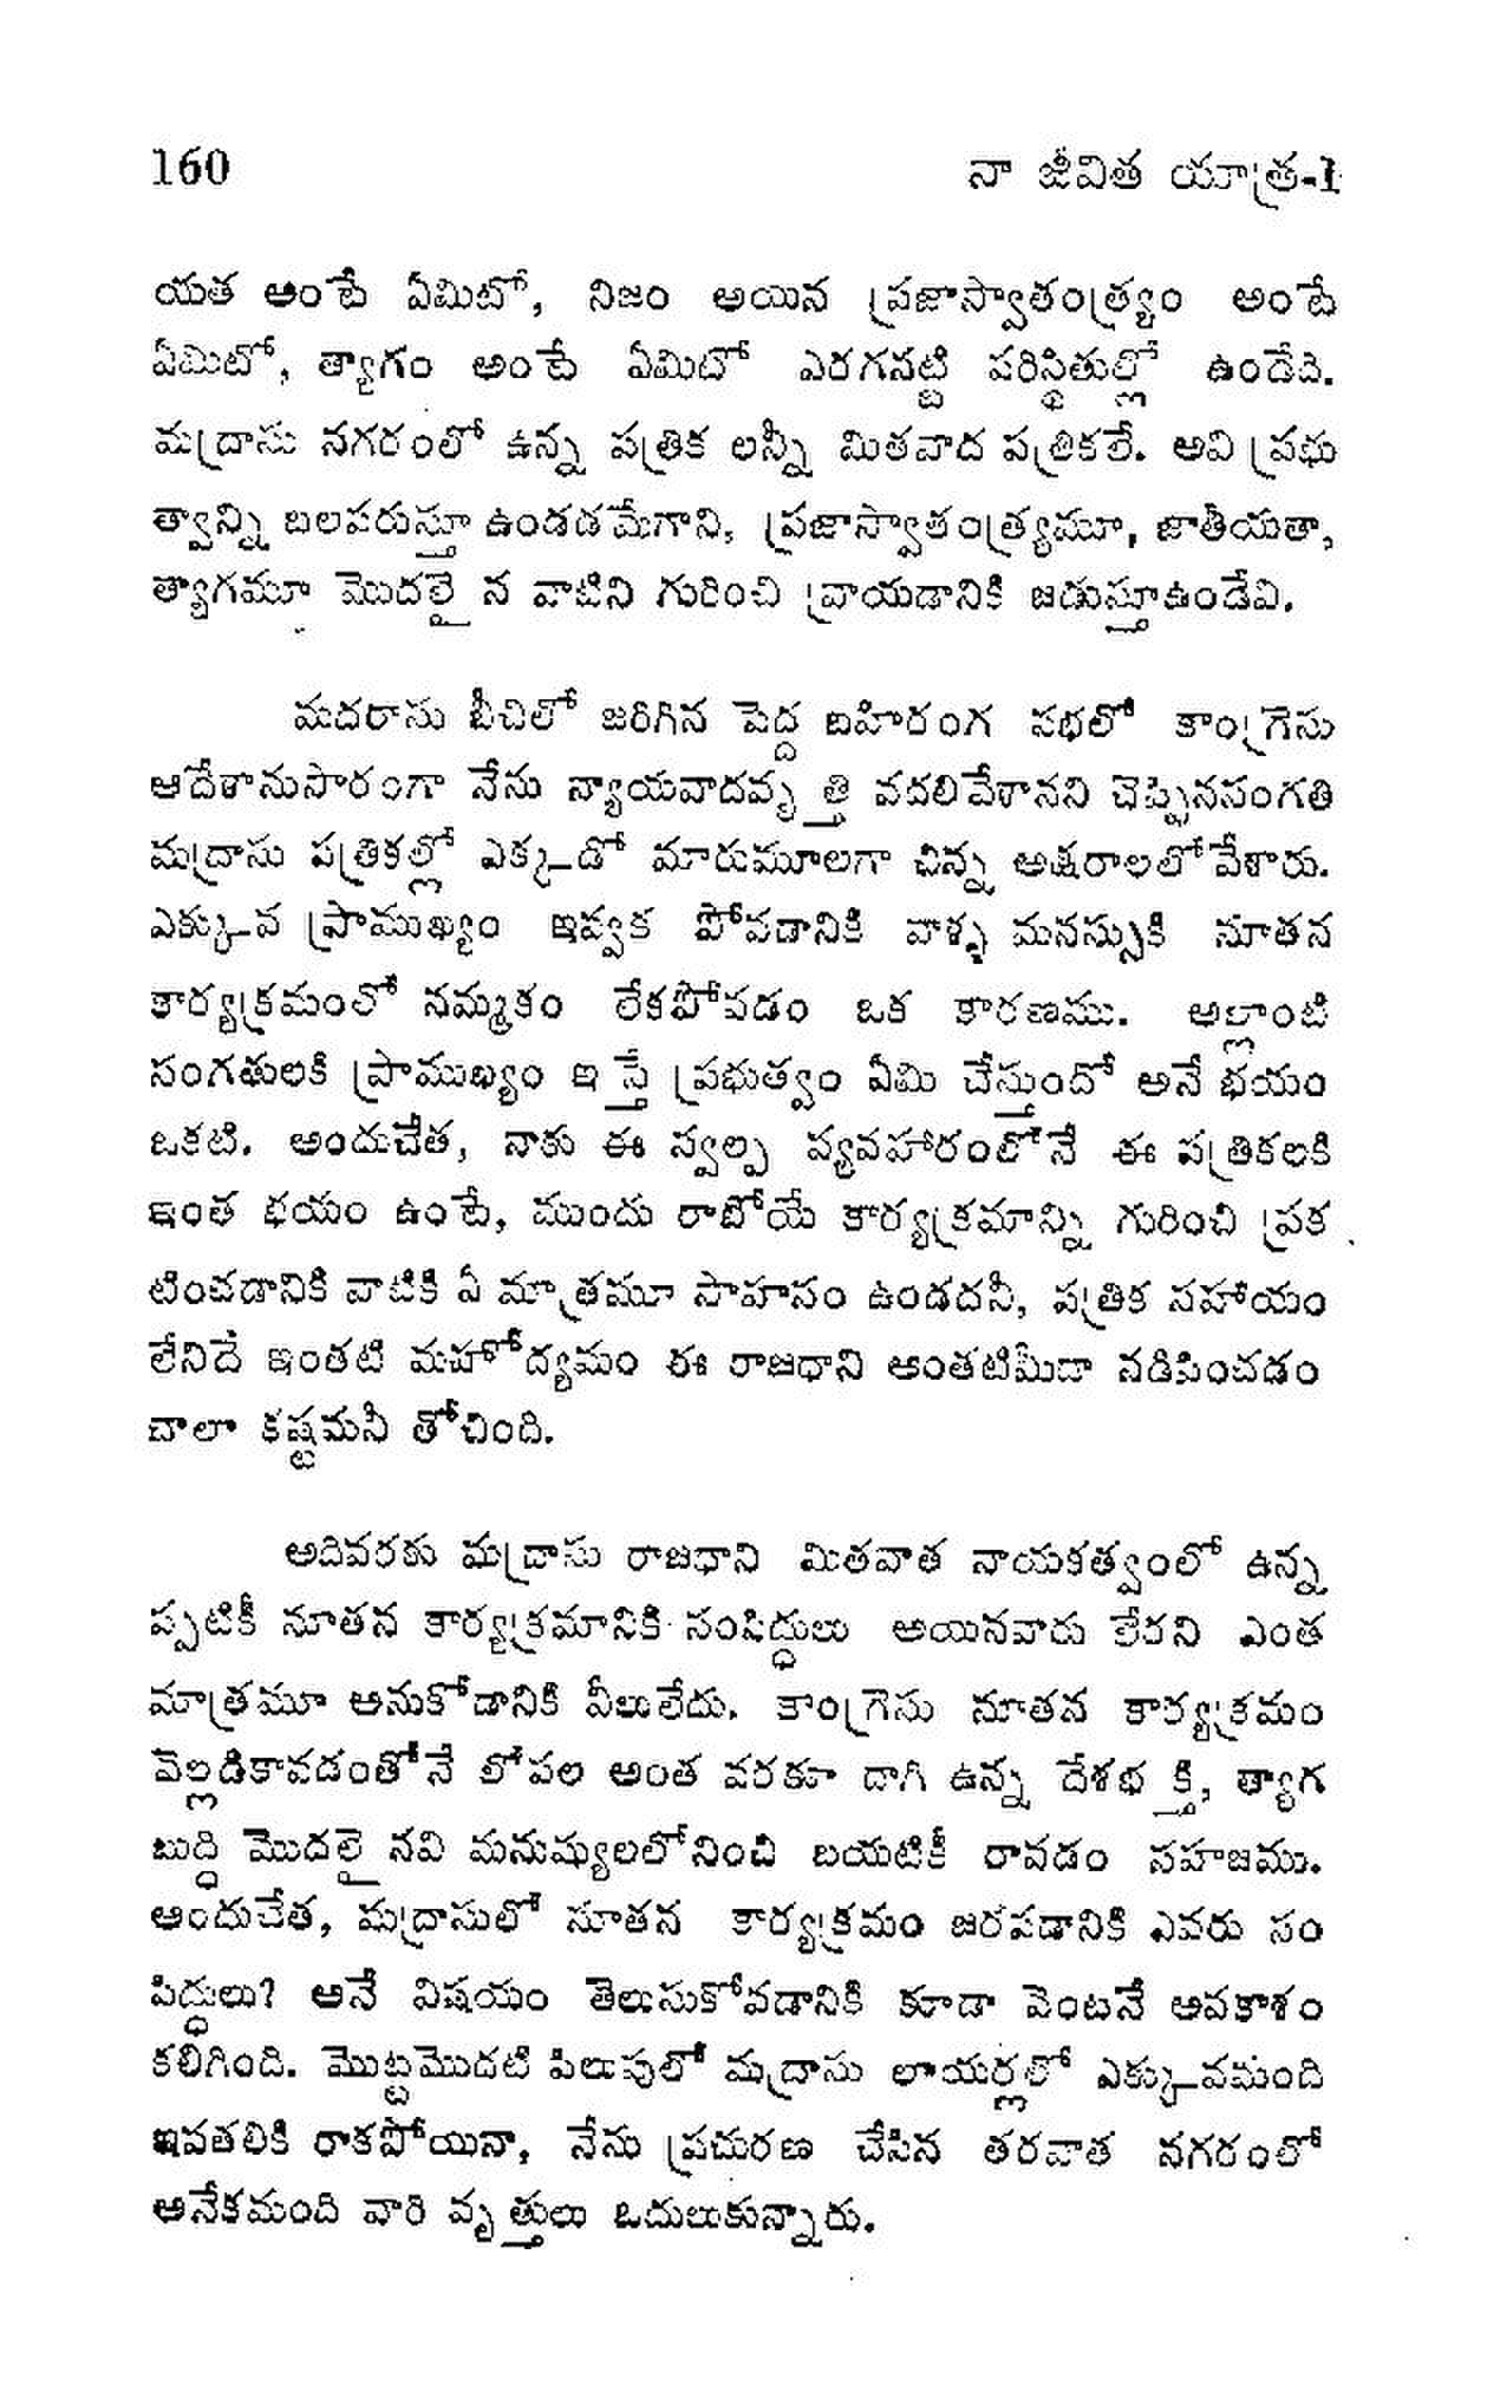యత అంటే ఏమిటో, నిజం అయిన ప్రజాస్వాతంత్ర్యం అంటే ఏమిటో, త్యాగం అంటే ఏమిటో ఎరగనట్టి పరిస్థితుల్లో ఉండేది. మద్రాసు నగరంలో ఉన్న పత్రిక లన్నీ మితవాద పత్రికలే. అవి ప్రభుత్వాన్ని బలపరుస్తూ ఉండడమేగాని, ప్రజాస్వాతంత్ర్యమూ, జాతీయతా, త్యాగమూ మొదలైన వాటిని గురించి వ్రాయడానికి జడుస్తూఉండేవి.

మదరాసు బీచిలో జరిగిన పెద్ద బహిరంగ సభలో కాంగ్రెసు ఆదేశానుసారంగా నేను న్యాయవాదవృత్తి వదలివేశానని చెప్పినసంగతి మద్రాసు పత్రికల్లో ఎక్కడో మారుమూలగా చిన్న అక్షరాలలోవేశారు. ఎక్కువ ప్రాముఖ్యం ఇవ్వక పోవడానికి వాళ్ళ మనస్సుకి నూతన కార్యక్రమంలో నమ్మకం లేకపోవడం ఒక కారణము. అల్లాంటి సంగతులకి ప్రాముఖ్యం ఇస్తే ప్రభుత్వం ఏమి చేస్తుందో అనే భయం ఒకటి. అందుచేత, నాకు ఈ స్వల్ప వ్యవహారంలోనే ఈ పత్రికలకి ఇంత భయం ఉంటే, ముందు రాబోయే కార్యక్రమాన్ని గురించి ప్రకటించడానికి వాటికి ఏ మాత్రమూ సాహసం ఉండదనీ, పత్రిక సహాయం లేనిదే ఇంతటి మహోద్యమం ఈ రాజధాని అంతటిమీద నడిపించడం చాలా కష్టమనీ తోచింది.

అదివరకు మద్రాసు రాజధాని మితవాద నాయకత్వంలో ఉన్నప్పటికీ నూతన కార్యక్రమానికి సంసిద్ధులు అయినవారు లేరని ఎంత మాత్రమూ అనుకోడానికి వీలులేదు. కాంగ్రెసు నూతన కార్యక్రమం వెల్లడికావడంతోనే లోపల అంత వరకూ దాగి ఉన్న దేశభక్తి, త్యాగబుద్ధి మొదలైనవి మనుష్యులలోనించి బయటికీ రావడం సహజము. అందుచేత, మద్రాసులో నూతన కార్యక్రమం జరపడానికి ఎవరు సంసిద్ధులు? అనే విషయం తెలుసుకోవడానికి కూడా వెంటనే అవకాశం కలిగింది. మొట్టమొదటి పిలుపులో మద్రాసు లాయర్లలో ఎక్కువమంది ఇవతలికి రాకపోయినా, నేను ప్రచురణ చేసిన తరవాత నగరంలో అనేకమంది వారి వృత్తులు ఒదులుకున్నారు.